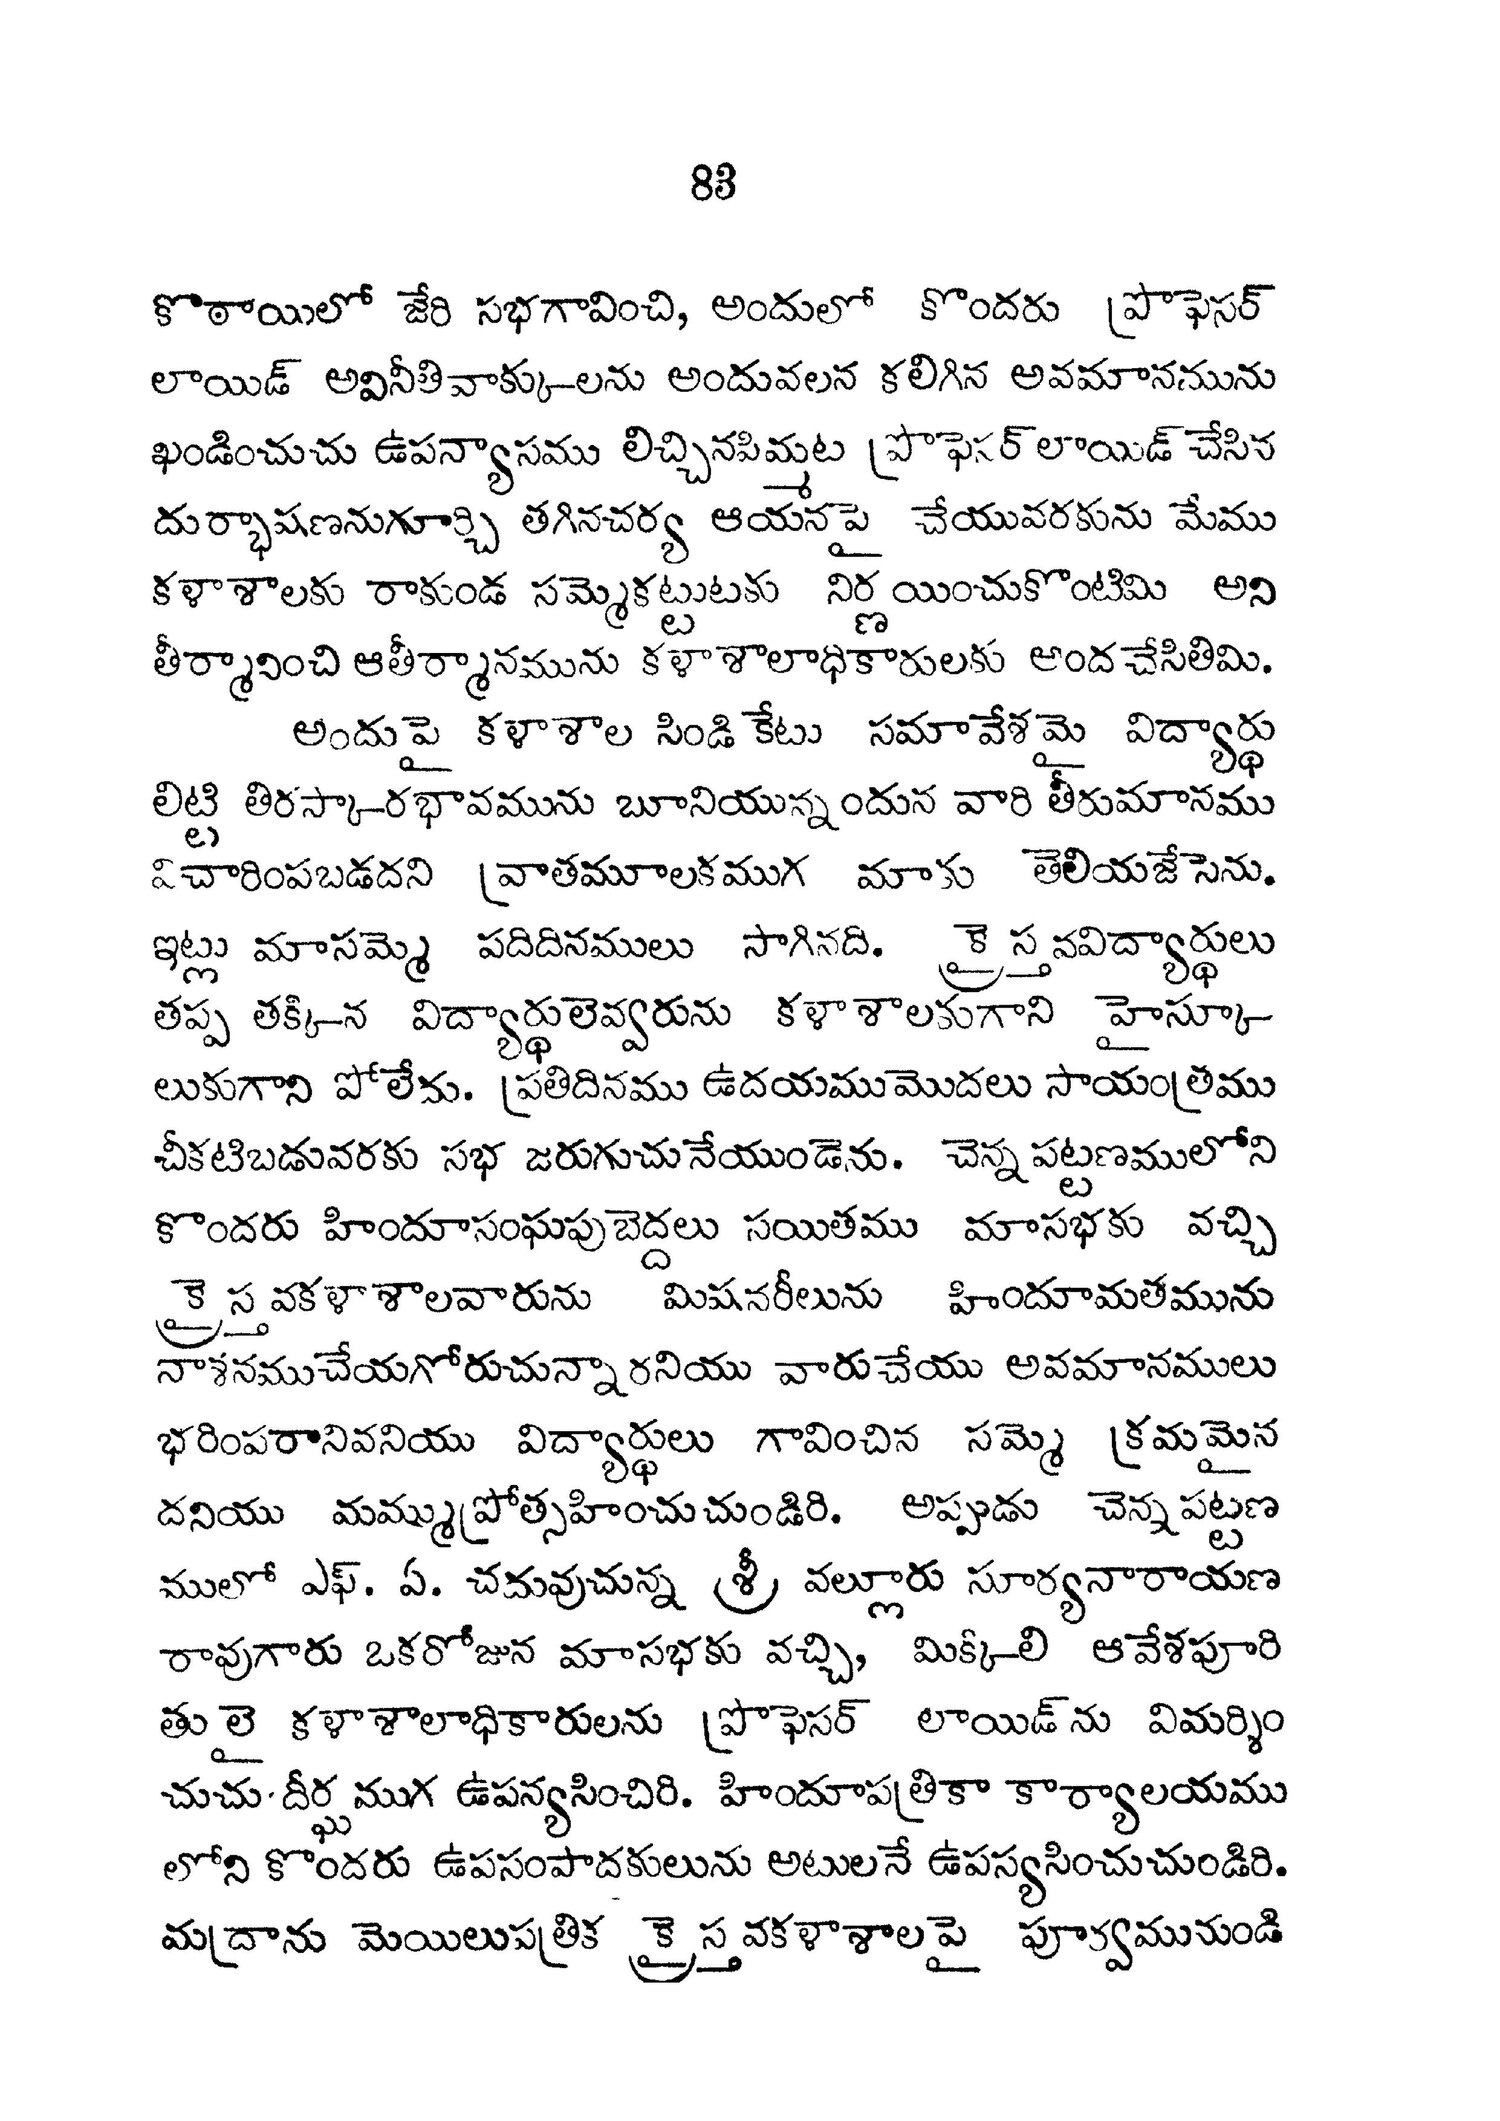కొఠాయిలో జేరి సభగావించి, అందులో కొందరు ప్రొఫెసర్ లాయిడ్ అవినీతివాక్కులను అందువలన కలిగిన అవమానమును ఖండించుచు ఉపన్యాసము లిచ్చినపిమ్మట ప్రొఫెసర్‌లాయిడ్‌చేసిన దుర్భాషణనుగూర్చి తగినచర్య ఆయనపై చేయువరకును మేము కళాశాలకు రాకుండ సమ్మెకట్టుటకు నిర్ణయించుకొంటిమి అని తీర్మానించి ఆతీర్మానమును కళాశాలాధికారులకు అందచేసితిమి.

అందుపై కళాశాల సిండికేటు సమావేశమై విద్యార్థులిట్టి తిరస్కారభావమును బూనియున్నందున వారి తీరుమానము విచారింపబడదని వ్రాతమూలకముగ మారు తెలియజేసెను. ఇట్లు మాసమ్మె పదిదినములు సాగినది. క్రైస్తవవిద్యార్థులు తప్ప తక్కిన విద్యార్థులెవ్వరును కళాశాలకుగాని హైస్కూలుకుగాని పోలేదు. ప్రతిదినము ఉదయముమొదలు సాయంత్రము చీకటిబడువరకు సభ జరుగుచునేయుండెను. చెన్నపట్టణములోని కొందరు హిందూసంఘపుబెద్దలు సయితము మాసభకు వచ్చి క్రైస్తవకళాశాలవారును మిషనరీలును హిందూమతమును నాశనముచేయగోరుచున్నారనియు వారుచేయు అవమానములు భరింపరానివనియు విద్యార్థులు గావించిన సమ్మె క్రమమైన దనియు మమ్ముప్రోత్సహించుచుండిరి. అప్పుడు చెన్నపట్టణములో ఎఫ్. ఏ. చదువుచున్న శ్రీ వల్లూరు సూర్యనారాయణ రావుగారు ఒకరోజున మాసభకు వచ్చి, మిక్కిలి ఆవేశపూరితులై కళాశాలాధికారులను ప్రొఫెసర్ లాయిడ్‌ను విమర్శించుచు దీర్ఘముగ ఉపన్యసించిరి. హిందూపత్రికా కార్యాలయములోని కొందరు ఉపసంపాదకులును అటులనే ఉపన్యసించుచుండిరి. మద్రాసు మెయిలుపత్రిక క్రైస్తవకళాశాలపై పూర్వమునుండి